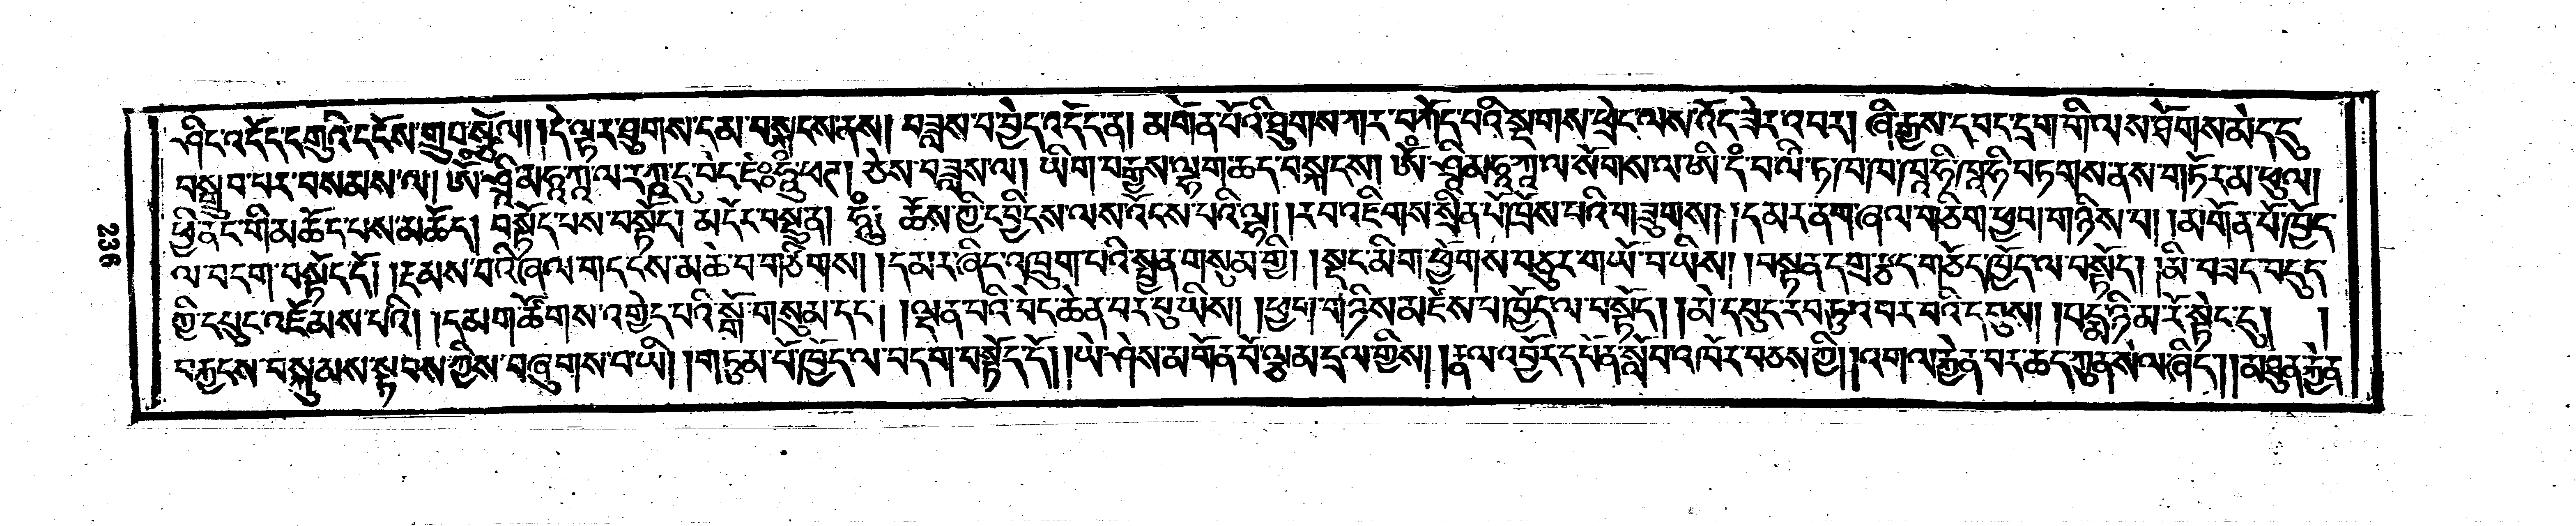ཤིང་འདོད་དགུའི་དངོས་གྲུབ་སྩོལ། །དེ་ལྟར་ཐུགས་དམ་བསྐངས་ནས། བཟླས་པ་བྱེད་འདོད་ན། མགོན་པོའི་ཐུགས་ཀར་བཀོད་པའི་སྔགས་ཕྲེང་ལས་འོད་ཟེར་འབར། ཞི་རྒྱས་དབང་དྲག་གི་ལས་ཐོགས་མེད་དུ་
བསྒྲུབ་པར་བསམས་ལ། ཨོཾ་ཤྲཱི་མཧཱ་ཀཱ་ལ་རཀྵ་དུ་བེང་ཛཿ ཧཱུཾ་ཕཊ། ཅེས་བཟླས་ལ། ཡིག་བརྒྱས་ལྷག་ཆད་བསྐངས། ཨོཾ་ཤྲཱི་མཧཱ་ཀཱ་ལ་སོགས་ལ་ཨི་དཾ་བ་ལིཾ་ཏ་ཁ་ཁ་ཁཱ་ཧི་ཁཱ་ཧི་བཏགས་ནས་གཏོར་མ་ཕུལ།
ཕྱི་ནང་གི་མཆོད་པས་མཆོད། བསྟོད་པས་བསྟོད། མདོར་བསྡུ་ན། ཧཱུཾ། ཆོས་ཀྱི་དབྱིངས་ལས་འོངས་པའི་ལྷ། །རབ་འཇིགས་སྲིན་པོ་ཁྲོས་པའི་གཟུགས། །དམར་ནག་ཞལ་གཅིག་ཕྱག་གཉིས་པ། །མགོན་པོ་ཁྱོད་
ལ་བདག་བསྟོད་དོ། །རྔམས་པའི་ཞལ་གདངས་མཆེ་བ་གཙིགས། །དམར་ཞིང་འཁྲུག་པའི་སྤྱན་གསུམ་གྱི། །སྡང་མིག་ཕྱོགས་བཅུར་གཡོ་བ་ཡིས། །བསྟན་དགྲ་རྩད་གཅོད་ཁྱོད་ལ་བསྟོད། །མི་བཟད་བདུད་
ཀྱི་དཔུང་འཇོམས་པའི། །དམག་ཚོགས་འགྱེད་པའི་སྒོ་གསུམ་དང་། །ལྡན་པའི་བེང་ཆེན་པར་བུ་ཡིས། །ཕྱག་གཉིས་མཛེས་པ་ཁྱོད་ལ་བསྟོད། །མེ་དཔུང་རབ་ཏུ་འབར་བའི་དབུས། །པདམ་ཉི་མ་རོ་སྟེང་དུ། །
བརྐྱངས་བསྐུམས་སྟབས་ཀྱིས་བཞུགས་པ་ཡི། །གཏུམ་པོ་ཁྱོད་ལ་བདག་བསྟོད་དོ། །ཡེ་ཤེས་མགོན་པོ་ལྕམ་དྲལ་གྱིས། །རྣལ་འབྱོར་དཔོན་སློབ་འཁོར་བཅས་ཀྱི། །འགལ་རྐྱེན་བར་ཆད་ཀུན་སེལ་ཞིང་། །མཐུན་རྐྱེན་